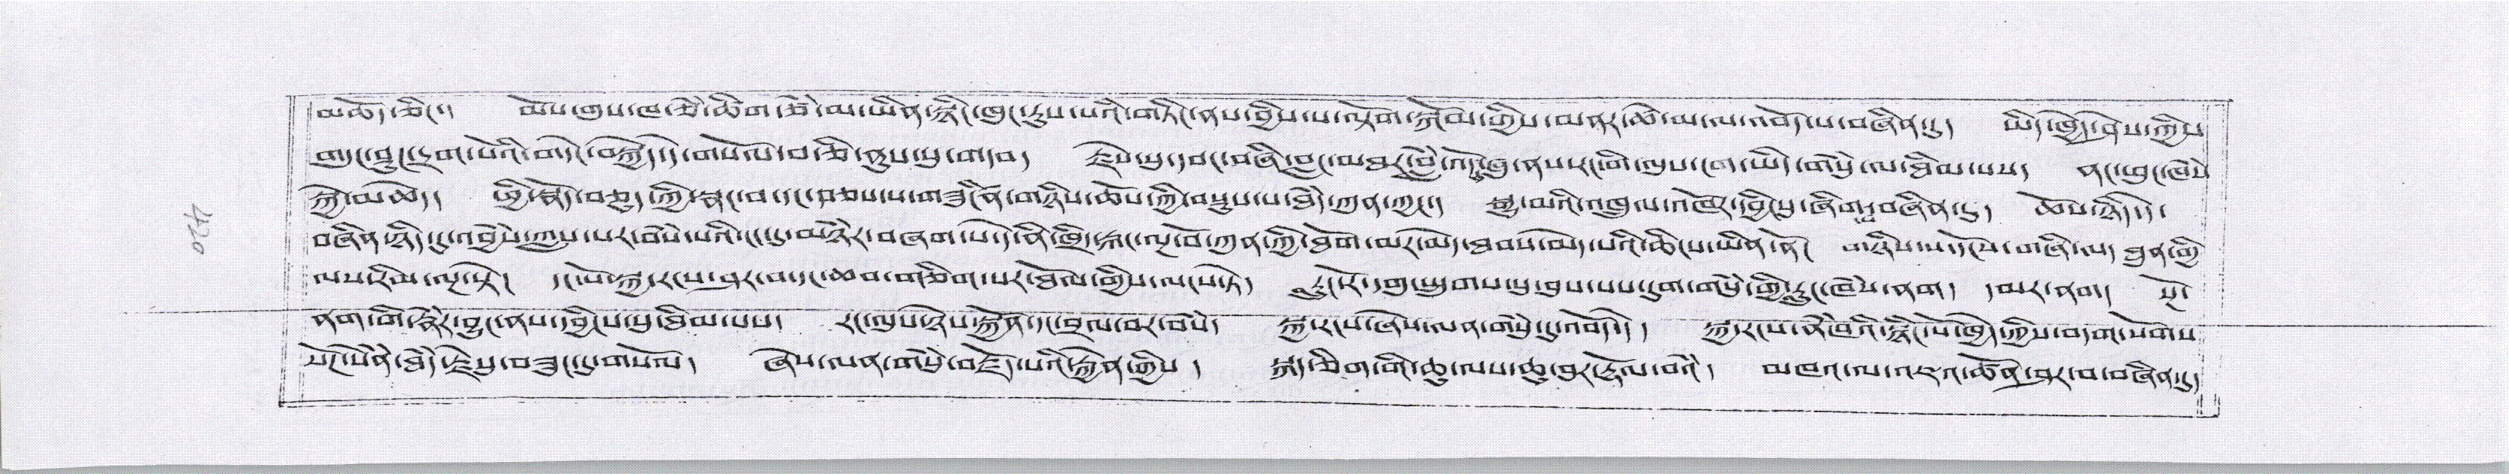མཆོད་ཅིང་། མོས་གུས་ཁ་ཙམ་ཚིག་ཙམ་མ་ཡིན་སྙིང་ཁུང་རུས་པའི་གཏིང་ནས་བྱིས་པ་ལྟོགས་སྐོམ་གྱིས་མནར་ཚེ་མ་ལ་འབོད་པ་བཞིན་དུ། ཡིད་ཁྱེད་ཤེས་ཀྱིས་
གདུང་ཤུགས་དྲག་པོའི་གདེང་བསྐྱེད་དེ་གསོལ་བ་ཅི་ནུས་སུ་གདབ། རྗེས་སུ་དབང་བཞི་བླང་། མཐར་བླ་མ་འོད་དུ་ཞུ་ནས་རང་གི་ལུས་ངག་ཡིད་གསུམ་ལ་ཐིམ་པས། ནང་ཕུང་ཁམས་
སྐྱེ་མཆེད་ཕྱི་སྣོད་བཅུད་ཀྱི་སྣང་བ་དང་བཅས་པ་གཟུང་འཛིན་གཉིས་ཆོས་ཀྱིས་བསྡུས་པ་ཐམས་ཅད་ཀུན་ཀྱང་། སྒྱུ་མའི་འཁྲུལ་འཁོར་དབྱིངས་སུ་ཞིག་པ་བཞིན་དུ་ཆོས་ཉིད་དེ་
བཞིན་ཉིད་དུ་འབྱམས་ཀླས་པར་བསམ་པའི་ངང་དུ་མཉམ་པར་བཞག་པ་དེ་ནི་ཁྲི་རྐང་ལྔ་པོ་ཀུན་གྱི་ཐོག་མར་མེད་ཐབས་མེད་པའི་ཆིངས་ཡིན་ནོ། གཉིས་པ་ལ་དངོས་གཞི་ལ་ཐུན་གྱི་
ལས་རིམ་ལྔ་སྟེ། དང་པོ་སྐྱ་རེངས་ཤར་བ་དང་ཆབས་ཅིག་པར་ཐོལ་གྱིས་ལངས་ཏེ། རླུང་རོ་དགུ་ཕྲུགས་སུ་བུས་པས་དུག་གསུམ་གྱི་རླུང་ཁམ་ནག་དམར་ནག་སྔོ་
ནག་གི་རྣམ་པར་བྱུང་ནས་དབྱིངས་སུ་ཐིམ་པས། རང་ལུས་ཉེས་སྐྱོན་དང་བྲལ་བར་བསམ། སྐྱ་རེངས་ཞེས་ལན་གསུམ་དུ་འབོད་དེ། སྐྱ་རེངས་ནམ་མཁའི་སྙིང་པོ་ཁྱེད་ཀྱིས་བདག་སོགས་
སེམས་ཅན་ཐམས་ཅད་རྗེས་སུ་བཟུང་དུ་གསོལ། ཞེས་ལན་གསུམ་བརྗོད་པའི་རྐྱེན་གྱིས། སྐད་ཅིག་གིས་ཆུ་ལས་ཆུ་བུར་རྡོལ་བའམ། མཁའ་ལ་འཇའ་ཚོན་ཤར་བ་བཞིན་དུ་